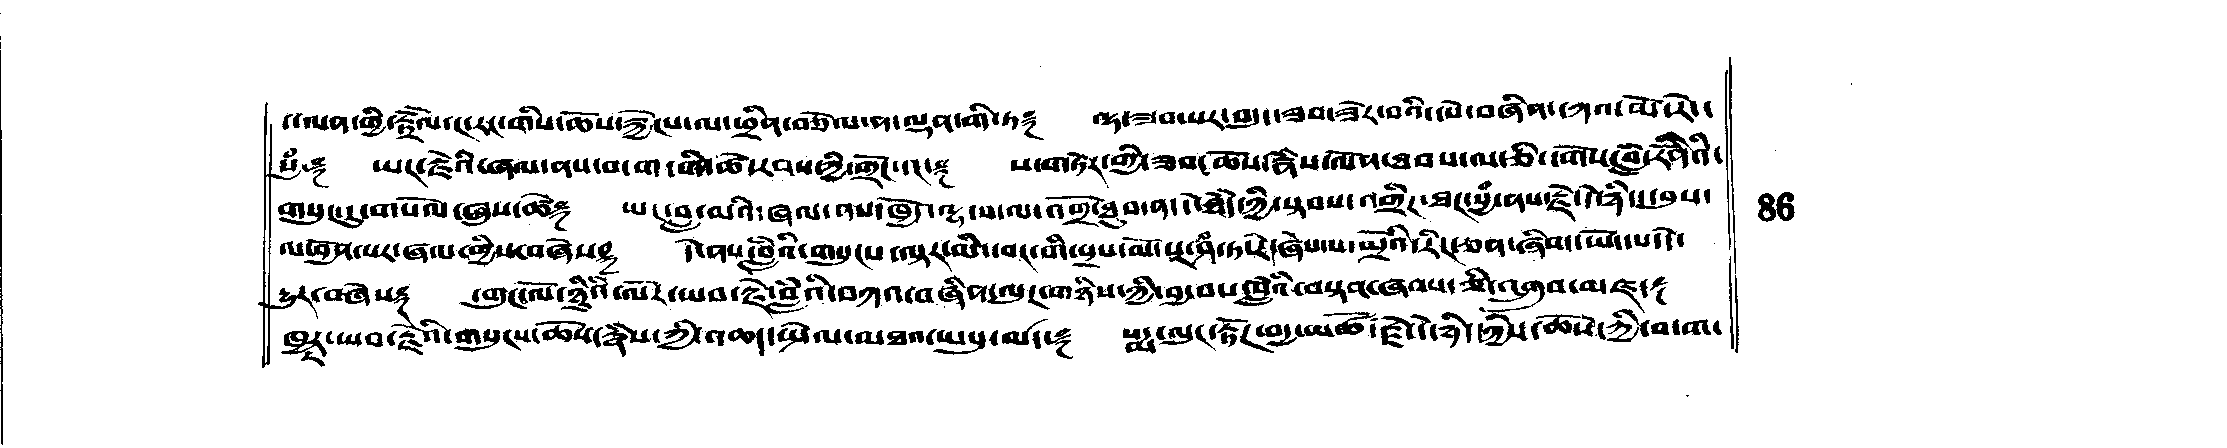ད་ལན་གྱི་རྟེན་འབྲེལ་ང་རང་གིས་ཆོས་སྐྱོང་ལ་ཕྲིན་བཅོལ་ན་ལྡན་གི་ཏ། ལྷ་ཟབ་སར་བདུད་ཟབ་ཟེར་བའི་དཔེ་བཞིན་དཀའ་མོ་རེད་
གསུངས། ཡང་རྗེའི་ཞལ་ནས་བདག་གི་ཚེ་རབས་ཀྱི་གྲོགས་དང་། ས་གཏེར་གྱི་ཟབ་ཆོས་རྣམས་ལོན་ཐབས་ལ་ཅི་དགོས་བླ་མ་རིན་པོ་ཆེའི་
གསུང་དུ་གསོལ་ཞུས་ཚེ། ཡང་བླ་མའི་ཞལ་ནས་ཁྱོད་ལྷ་ས་ལ་འགྲོ་ཐུབ་ན་དེ་ཐམས་ཅད་ཀྱི་སྟབས་འགྲིགས་ཐང་གསུངས་ནས་རྗེ་དེ་ཉིད་དབུས་
ལ་བྱོན་པར་ཞལ་གྱིས་བཞེས། དེ་ནས་བླ་མའི་གསུང་ལྟར་མི་དབང་གི་སྲས་མོ་པཱ་ཤཾ་ཏ་རེ་ཞེས་པ་མཁའ་འགྲོའི་རིགས་ཅན་ཞིག་ཡོད་པ་དེ་
རྒྱུར་བཞེས། དགུང་ལོ་ཉི་ཤུའི་ལོར་ཡབ་རྗེ་བླ་མའི་བཀའ་བཞིན་ལུགས་གཉིས་ཀྱི་བྱ་བས་བླ་མའི་བསྟན་ཞབས་ཅི་འགྲུབ་མཛད། 
ཁྱད་པར་ཡབ་རྗེའི་གསུང་ཆོས་རྣམས་ཀྱི་འཆད་སྤེལ་མཐའ་ཡས་སུ་མཛད། པདྨ་ལུང་རྟོགས་རྒྱ་མཚོ་རྗེ་དེ་ཉིད་ཀྱི་ཆོས་ཀྱི་བདག་